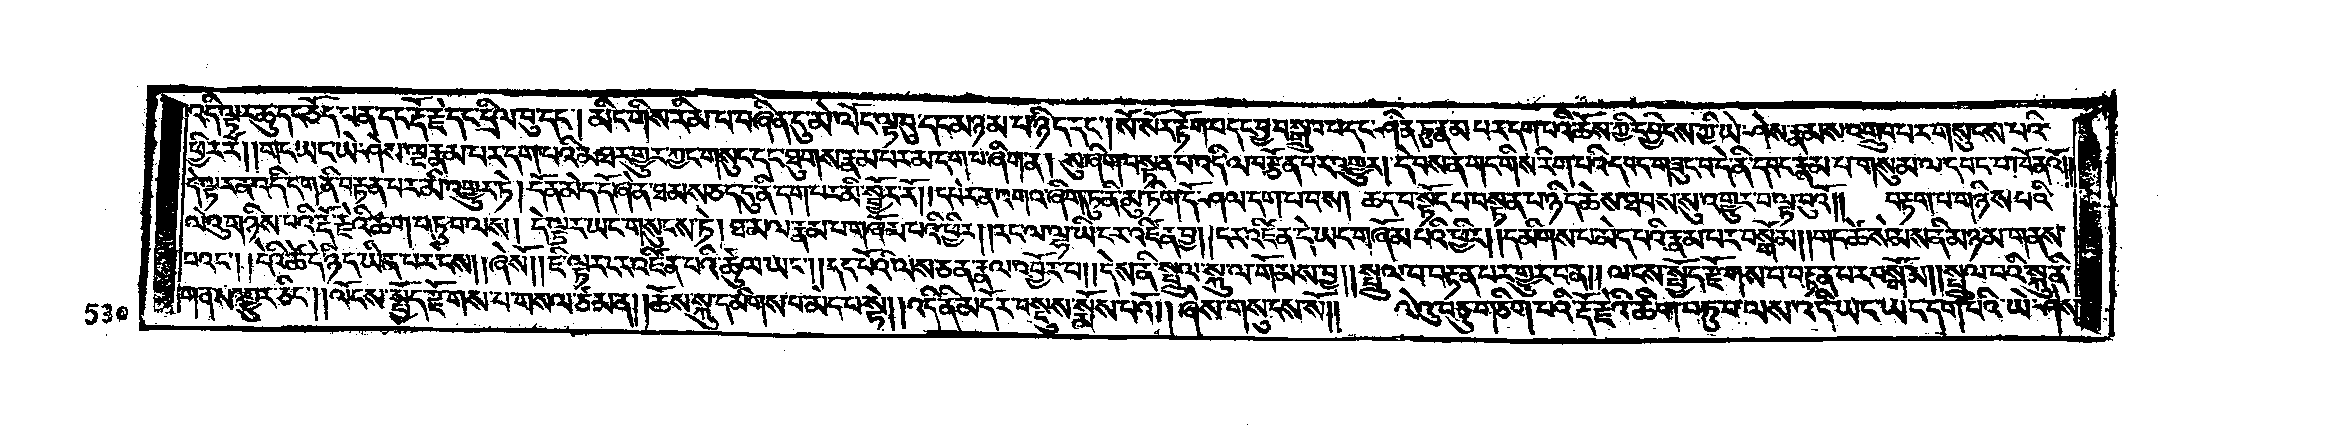འདི་ལྟར་ཆུ་དང་ཅོད་པན་དང་རྡོ་རྗེ་དང་དྲིལ་བུ་དང་། མིང་གིས་རིམ་པ་བཞིན་དུ་མེ་ལོང་ལྟ་བུ་དང་མཉམ་པ་ཉིད་དང་། སོ་སོར་རྟོག་པ་དང་བྱ་བསྒྲུབ་པ་དང་ཤིན་ཏུ་རྣམ་པར་དག་པའི་ཆོས་ཀྱི་དབྱིངས་ཀྱི་ཡེ་ཤེས་རྣམས་འགྲུབ་པར་གསུངས་པའི་
ཕྱིར་རོ། །གང་ཡང་ཡེ་ཤེས་ལྔ་རྣམ་པར་དག་པའི་མཐར་གྱུར་ཀྱང་གསུང་དང་ཐུགས་རྣམ་པར་མ་དག་པ་ཞིག་ན། སུ་ཞིག་བསྟན་པ་འདི་ལ་བརྩོན་པར་འགྱུར། དེ་བས་ན་གང་གིས་རིག་པའི་དབང་གཟུང་བ་དེ་ནི་དབང་རྣམ་པ་གསུམ་ལ་དབང་པོ་ཁོ་ནའོ།།
དེ་ལྟར་ན་འདི་དག་ནི་བརྟན་པར་མི་འགྱུར་ཏེ། དོན་མེད་དོ་ཞེ་ན་ཐམས་ཅད་དུ་ནི་དག་པར་མི་སྦྱོར་རོ། །དཔེར་ན་འགའ་ཞིག་ཏུ་ནི་མུ་ཏིག་དོ་ཤལ་དག་པ་བས། ཆད་པ་སྟོང་པ་བསྟན་པ་ཉིད་ཆེས་ཐབས་སུ་འགྱུར་པ་ལྟ་བུའོ། །བརྟག་པ་གཉིས་པའི་
ལེའུ་གཉིས་པའི་རྡོ་རྗེའི་ཆག་བཏུ་བ་ལས། དེ་ལྟར་ཡང་གསུངས་ཏེ། ཐ་མལ་རྣམ་པ་གཞོམ་པའི་ཕྱིར། །རང་ལ་ལྷ་ཡི་ངར་འཛིན་བྱ། །ངར་འཛིན་དེ་ཡང་གཞོམ་པའི་ཕྱིར། །དམིགས་པ་མེད་པའི་རྣམ་པར་བསྒོམ། །གང་ཚེ་སེམས་ནི་མཉམ་གནས་
པའང་། །དེའི་ཚེ་དེ་ཉིད་ཡིན་པར་ངེས། །ཞེས་སོ། །ཇི་ལྟར་ངར་འཛིན་པའི་ཚུལ་ཡང་། །དང་པོའི་ལས་ཅན་རྣལ་འབྱོར་པ། །དེས་ནི་སྤྲུལ་སྐུ་ལ་གོམས་བྱ། །སྤྲུལ་པ་བརྟན་པར་གྱུར་པ་ན། །ལངས་སྤྱོད་རྫོགས་པ་བརྟན་པར་བསྒོམ། །སྤྲུལ་པའི་སྐུ་ནི་
གནས་འགྱུར་ཅིང་། །ལོངས་སྤྱོད་རྫོགས་པ་གསལ་ཙམ་ན། །ཆོས་སྐུ་དམིགས་པ་མེད་པ་སྟེ། །འདི་ནི་མདོར་བསྡུས་སྨོས་པའོ། །ཞེས་གསུངས་སོ། །ལེའུ་བཅུ་གཅིག་པའི་རྡོ་རྗེའི་ཚིག་བཏུ་བ་ལས་འདི་ཡང་ཡང་དག་པའི་ཡེ་ཤེས་